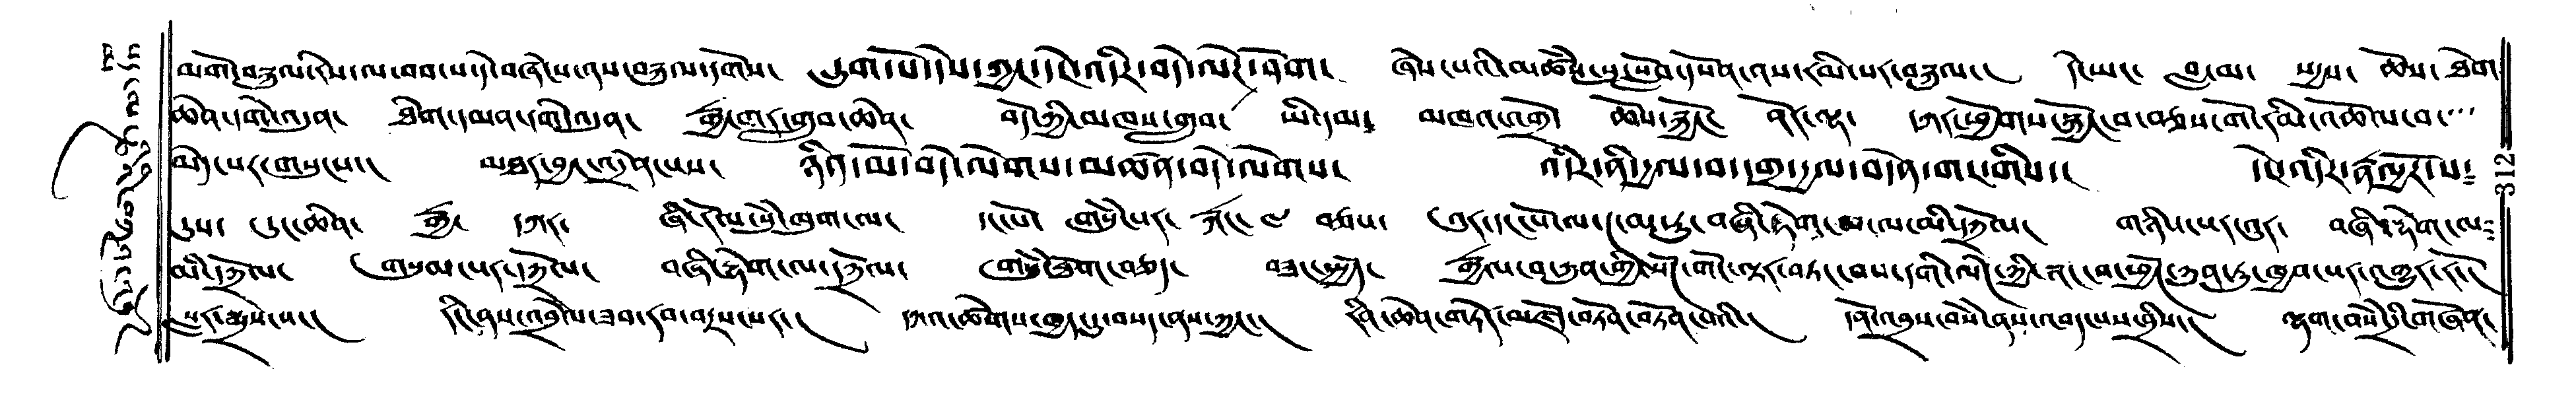མགོ་བསྐུལ་རེས་ལ་བབས་པ་དེ་བཞེངས་ནས་བསྐུལ་དགོས། དྲུག་པོ་དེས་ཀྱང་དེང་འདིར་བདེ་ལེགས་ཤོགཅེས་པའི་མཚམས་སུ་སློབ་དཔོན་ནས་རིམ་པར་བསྐུལ། དེ་ཡང་བླ་མ། སངས་རྒྱས། ཆོས། ཐེག་
ཆེན་དགེ་འདུན། ཐེག་དམན་དགེ་འདུན། རྒྱ་གར་གྲུབ་ཆེན། བོད་ཀྱི་མཁས་གྲུབ། ཡི་དམ། མཁའ་འགྲོ ཆོས་སྐྱོང་། ནོར་ལྷ། དཀར་ཕྱོགས་སྐྱོང་བ་བཅས་གོ་རིམ་འཆོལ་བ་
མེད་པར་གསུངས། མཐར་བྱང་འདྲེན་པས། ཉིན་མོ་བདེ་ལེགས་མཚན་བདེ་ལེགས༴ འདིར་ནི་རྒྱལ་བ་དགྲ་རྒྱལ་བདེན་གང་གིས༴ དེང་འདིར་རྣལ་འབྱོར་པ༴ ཞེས་པའི་
དུས་ དུང་ཆེན། རྒྱ། དཀར། ཞི་རོལ་སུམ་ཁུག་ལ། དང་པོ་གསུམ་པར་རྐང་བཞི་བཅས། འུར་དང་པོ་ལ་ཌཱ་མ་རུ། བཞི་རྡེག་ལ་མི་དཀྲོལ། གཉིས་པར་འུར། བཞི་རྡེག་ལ་
མི་དཀྲོལ། གསུམ་པར་དཀྲོལ། བཞི་རྡེག་ལ་དཀྲོལ། གསུམ་ཐོག་གཅད། བཟང་སྤྱོད། རྒྱལ་བ་ཀུན་གྱི༴ སོགས་གོང་ལྟར་བཏང་བས་དགེ་ལེགས་ཀྱི་སྣང་བ་ཕྱོགས་ཀུན་ཏུ་ཁྱབ་པར་འགྱུར་རོ། 
སླར་སྨྲས་པ། རིང་ནས་འབྲེལ་ཟབ་རབ་བརྟས་པར། །དཀའ་ཚེགས་ཁྱད་དུ་བསད་ནས་ཀྱང་། །རིན་ཆེན་གཏེར་མཛོད་བཏོན་བཏོན་པའི། །དོན་འབྲས་བསམས་ནས་འབད་པས་བྲིས། །ལྷག་བསམ་དྲི་བཞོན་